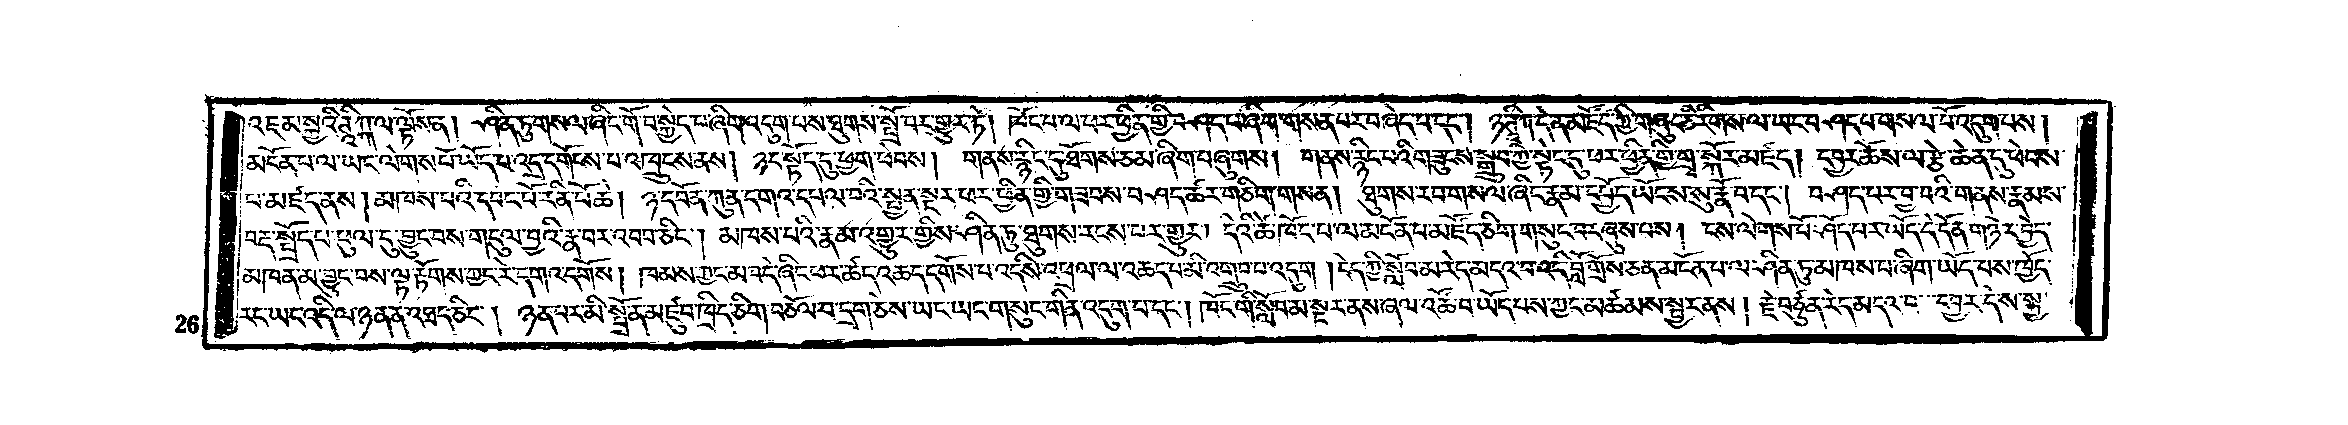འཇམ་སྐྱའི་ཊཱཀྐི་ལ་ལྟོས་ན། ཤིན་ཏུ་གསལ་ཞིང་གོ་བ་སྐྱེད་པ་ཞིག་འདུག་པས་ཐུགས་སྤྲོ་བར་གྱུར་ཏེ། ཁོང་པ་ལ་ཕར་ཕྱིན་གྱི་བཤད་པ་ཞིག་གསན་པར་བཞེད་པ་དང་། ཉ་ཊཱིཀ་དེ་ན་མཛོད་ཀྱི་གཞུང་ཅི་རིགས་ལ་ཡང་བཤད་པ་གསལ་པོ་འདུག་པས།
མངོན་པ་ལ་ཡང་ལེགས་པོ་ཡོད་པ་འདྲ་དགོངས་པ་འཁྲུངས་ནས། ཉང་སྟོད་དུ་ཕྱག་ཕེབས། གནས་རྙིང་དུ་ཐོགས་ཙམ་ཞིག་བཞུགས། གནས་རྙིང་པའི་གཟུངས་སྒྲུབ་ཀྱི་སྟེང་དུ་ཕར་ཕྱིན་གྱི་གྲྭ་སྐོར་མཛད། དབྱར་ཆོས་ལ་རྩེ་ཆེན་དུ་ཕེབས་
པ་མཛད་ནས། མཁས་པའི་དབང་པོ་རིན་པོ་ཆེ། ཉ་དབོན་ཀུན་དགའ་དཔལ་བའི་སྤྱན་སྔར་ཕར་ཕྱིན་གྱི་གཟབས་བཤད་ཚར་གཅིག་གསན། ཐུགས་རབ་གསལ་ཞིང་རྣམ་དཔྱོད་ཡོངས་སུ་རྣོ་བ་དང་། བཤད་པར་བྱ་བའི་གནས་རྣམས་
བརྡ་སྤྲོད་པ་ཕུལ་དུ་བྱུང་བས་གདུལ་བྱའི་རྣ་བར་འབབ་ཅིང་། མཁས་པའི་རྣམ་འགྱུར་གྱིས་ཤིན་ཏུ་ཐུགས་རངས་པར་གྱུར། དེའི་ཚེ་ཁོང་པ་ལ་མངོན་པར་མཛོད་ཅིག་གསུང་བར་ཞུས་པས། ངས་ལེགས་པོ་ཤོད་པར་ཡོད་དེ་དོན་གཉེར་བྱེད་
མཁན་མ་བྱུང་བས་ལྟ་རྟོགས་ཀྱང་རེ་དགའ་དགོས། ཁམས་ཀྱང་མ་བདེ་ཞིང་ཕར་ཚད་འཆད་དགོས་པ་འདིས་འཕྲལ་ལ་འཆད་པ་མི་འགྲུབ་པ་འདུག །ངེད་ཀྱི་སློབ་མ་རེད་མདའ་བ་འདི་བློ་གྲོས་ཅན་མངོན་པ་ལ་ཤིན་ཏུ་མ་ཁས་པ་ཞིག་ཡོད་པས་ཁྱོད་
རང་ཡང་འདི་ལ་ཉན་ན་འཐད་ཅིང་། ཉན་པར་མི་སྤྲོ་ན་མཛུབ་ཁྲིད་ཅིག་བཅོལ་བ་དྲག་ཅེས་ཡང་ཡང་གསུང་གིན་འདུག་པ་དང་། ཁོང་གི་སློབ་མ་སྔར་ནས་ཞལ་འཚོ་བ་ཡོད་པས་ཀྱང་མཚམས་སྦྱར་ནས། རྗེ་བཙུན་རེད་མདའ་བ་དབྱར་དེ་ས་སྐྱ་